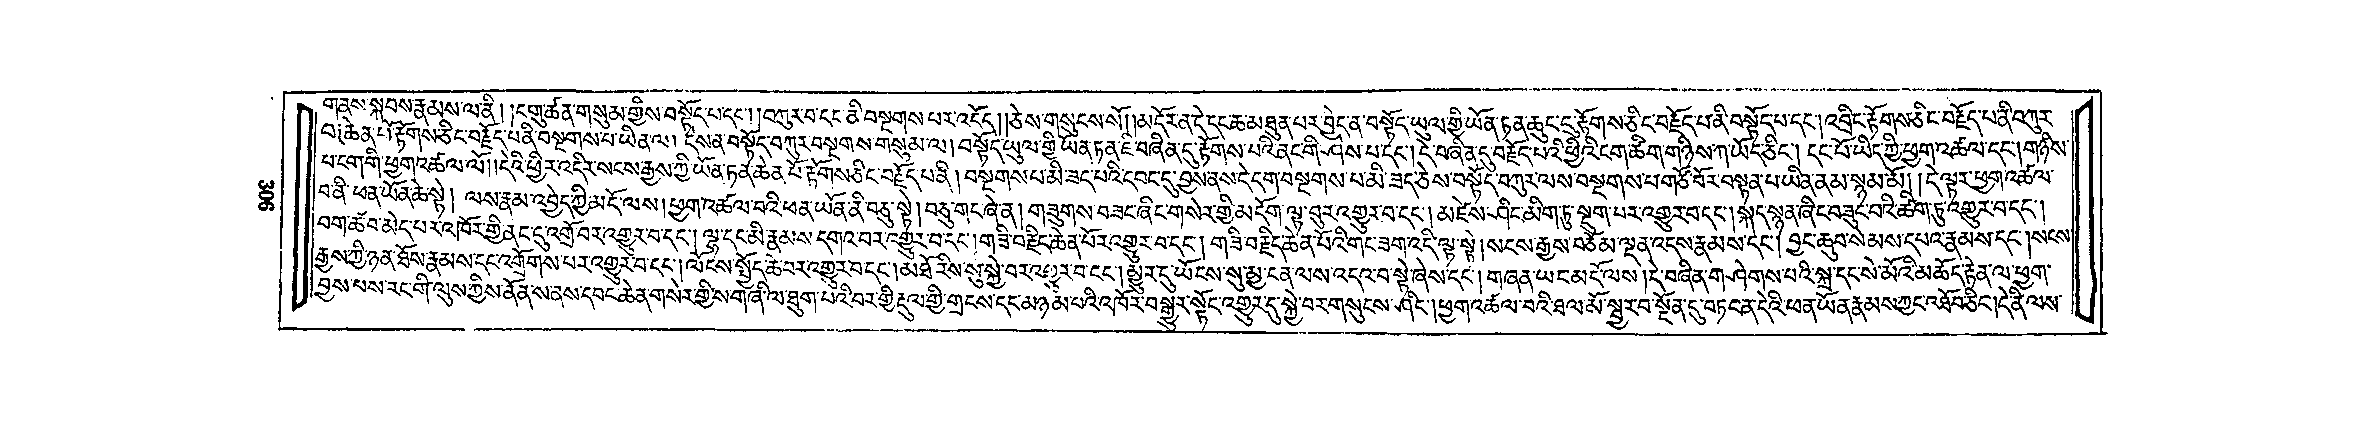གནས་སྐབས་རྣམས་ལ་ནི། དགུ་ཚན་གསུམ་གྱིས་བསྟོད་པ་དང་། །བཀུར་བ་དང་ནི་བསྔགས་པར་འདོད། །ཅེས་གསུངས་སོ། །མདོར་ན་དེ་དང་ཆ་མཐུན་པར་བྱེད་ན་བསྟོད་ཡུལ་གྱི་ཡོན་ཏན་ཆུང་ངུ་རྟོགས་ཅིང་བརྗོད་པ་ནི་བསྟོད་པ་དང་། འབྲིང་རྟོགས་ཅིང་བརྗོད་པ་ནི་བཀུར་
བ། ཆེན་པོ་རྟོགས་ཅིང་བརྗོད་པ་ནི་བསྔགས་པ་ཡིན་ལ། དེས་ན་བསྟོད་བཀུར་བསྔགས་གསུམ་ལ། བསྟོད་ཡུལ་གྱི་ཡོན་ཏན་ཇི་བཞིན་དུ་རྟོགས་པའི་ནང་གི་ཤེས་པ་དང་། དེ་བཞིན་དུ་བརྗོད་པའི་ཕྱིའི་ངག་ཚིག་གཉིས་ཀ་ཡོད་ཅིང་། དང་པོ་ཡིད་ཀྱི་ཕྱག་འཚལ་དང་། གཉིས་
པ་ངག་གི་ཕྱག་འཚལ་ལོ། །དེའི་ཕྱིར་འདིར་སངས་རྒྱས་ཀྱི་ཡོན་ཏན་ཆེན་པོ་རྟོགས་ཅིང་བརྗོད་པ་ནི། བསྔགས་པ་མི་ཟད་པའི་དབང་དུ་བྱས་ནས་དེ་དག་བསྔགས་པ་མི་ཟད་ཅེས་བསྟོད་བཀུར་ལས་བསྔགས་པ་གཙོ་བོར་བསྟན་པ་ཡིན་ནམ་སྙམ་མོ། །དེ་ལྟར་ཕྱག་འཚལ་
བ་ནི་ཕན་ཡོན་ཆེ་སྟེ། ལས་རྣམ་འབྱེད་ཀྱི་མདོ་ལས། ཕྱག་འཚལ་བའི་ཕན་ཡོན་ནི་བཅུ་སྟེ། བཅུ་གང་ཞེ་ན། གཟུགས་བཟང་ཞིང་གསེར་གྱི་མདོག་ལྟ་བུར་འགྱུར་བ་དང་། མཛེས་ཤིང་མིག་ཏུ་སྡུག་པར་འགྱུར་བ་དང་། སྐད་སྙན་ཞིང་བཟུང་བའི་ཚིག་ཏུ་འགྱུར་བ་དང་།
བག་ཚ་བ་མེད་པར་འཁོར་གྱི་ནང་དུ་འགྲོ་བར་འགྱུར་བ་དང་། ལྷ་དང་མི་རྣམས་དགའ་བར་འགྱུར་བ་དང་། གཟི་བརྗིད་ཆེན་པོར་འགྱུར་བ་དང་། གཟི་བརྗིད་ཆེན་པོའི་གང་ཟག་འདི་ལྟ་སྟེ། སངས་རྒྱས་བཅོམ་ལྡན་འདས་རྣམས་དང་། བྱང་ཆུབ་སེམས་དཔའ་རྣམས་དང་། སངས་
རྒྱས་ཀྱི་ཉན་ཐོས་རྣམས་དང་འགྲོགས་པར་འགྱུར་བ་དང་། ལོངས་སྤྱོད་ཆེ་བར་འགྱུར་བ་དང་། མཐོ་རིས་སུ་སྐྱེ་བར་འགྱུར་བ་དང་། མྱུར་དུ་ཡོངས་སུ་མྱ་ངན་ལས་འདའ་བ་སྟེ་ཞེས་དང་། གཞན་ཡང་མདོ་ལས། དེ་བཞིན་གཤེགས་པའི་སྐྲ་དང་སེ་མོའི་མཆོད་རྟེན་ལ་ཕྱག་
བྱས་པས་རང་གི་ལུས་ཀྱི་ནོན་ས་ནས་དབང་ཆེན་གསེར་གྱི་ས་གཞི་ལ་ཐུག་པའི་བར་གྱི་རྡུལ་གྱི་གྲངས་དང་མཉམ་པའི་འཁོར་བསྒྱུར་སྟོང་འགྱུར་དུ་སྐྱེ་བར་གསུངས་ཤིང་། ཕྱག་འཚལ་བའི་ཐལ་མོ་སྦྱར་བ་སྔོན་དུ་བཏང་ན་དེའི་ཕན་ཡོན་རྣམས་ཀྱང་འཐོབ་ཅིང་། དེ་ནི་ལས་